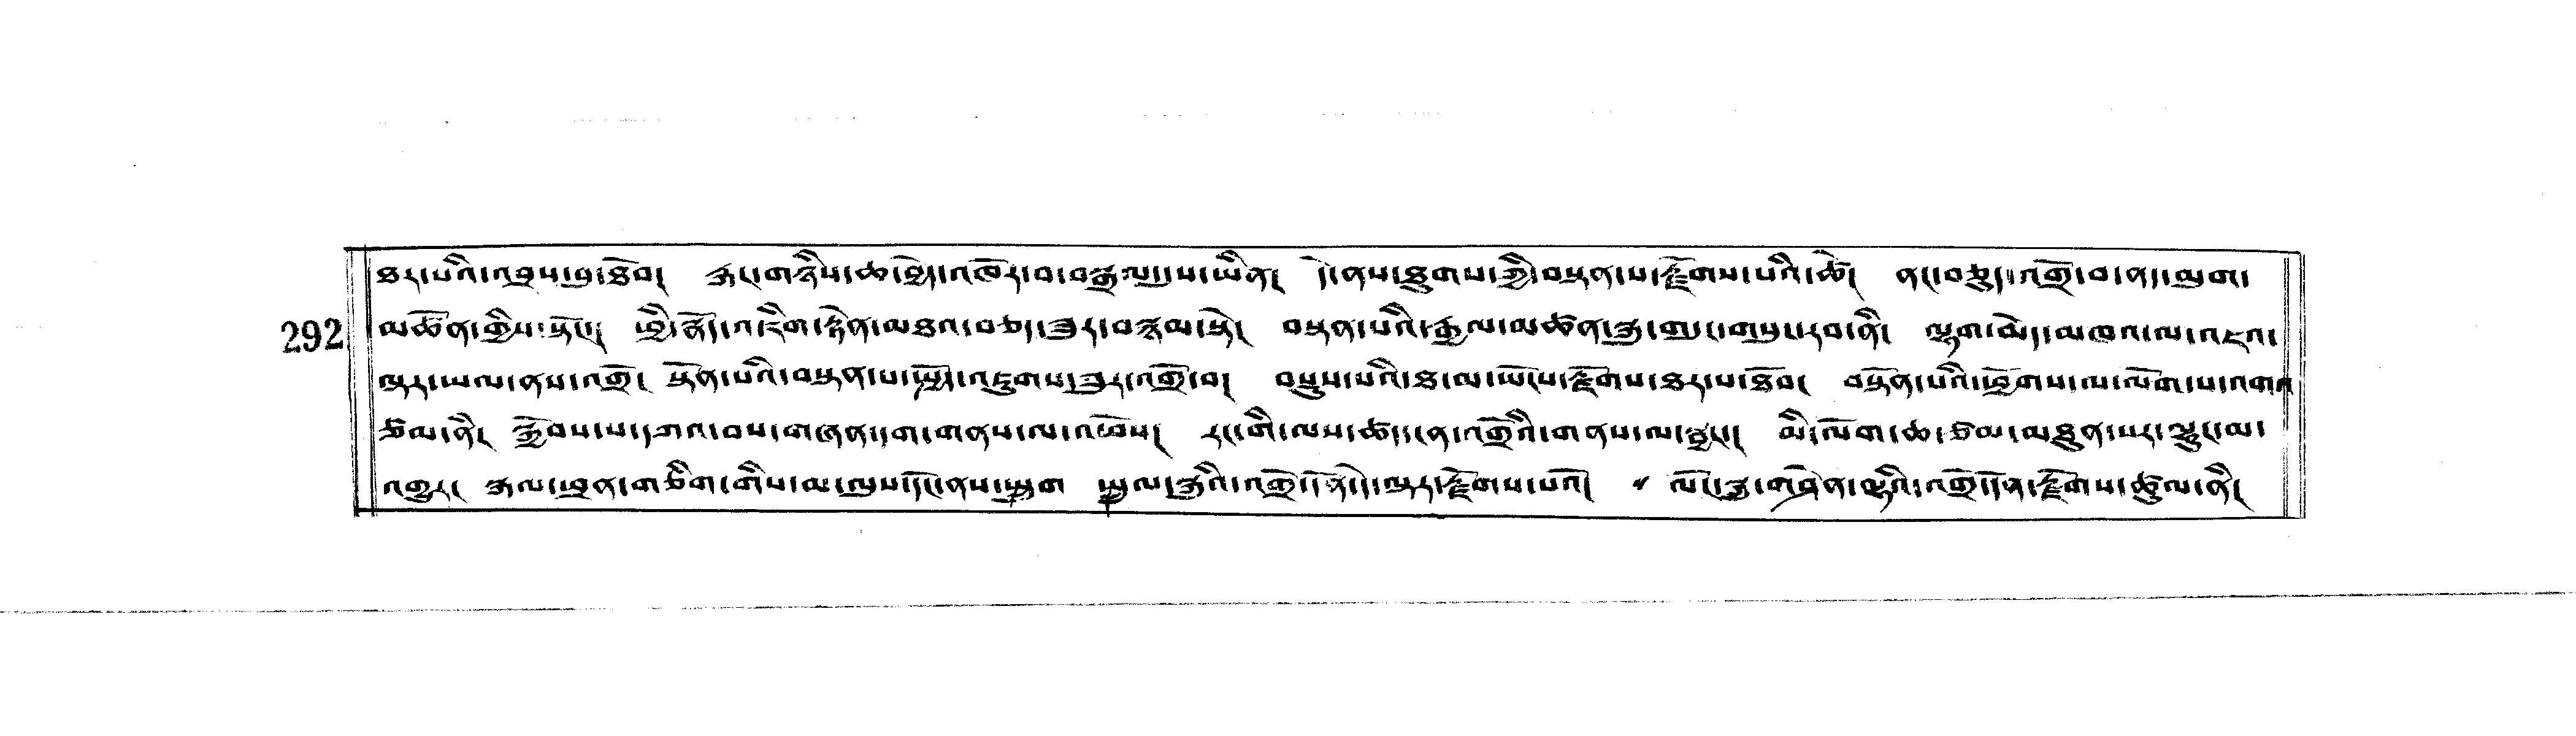ཐར་པའི་འབྲས་བུ་ཐོབ། རྐང་གཉིས་ཆ་བྱད་འཁོར་བ་བསྒྲལ་དུས་ཡིན། དེ་ནས་ཐུགས་ཀྱི་བསྟན་པ་རྫོགས་པའི་ཚེ། ནང་བཅུད་འགྲོ་བ་ནད་མུག་
མཚོན་གྱིས་སྟོང་། ཕྱི་སྣོད་འཇིག་རྟེན་མཐོ་བཅད་ཟུར་བསྙལ་ཏེ། བསྟན་པའི་རྒྱལ་མཚན་སྐུ་གདུང་གསུང་རབ་ནི། ལྷག་མེད་མཁའ་ལ་མཇའ་
ལྟར་ཡལ་ནས་འགྲོ། སྟོན་པའི་བསྟན་པ་སྤྱོད་འཇུག་ཟུར་འགྲོ་བ། བསྡུས་པའི་ཐ་མ་ཡོངས་རྫོགས་ཐར་པ་ཐོབ། བསྟན་པའི་ཕྱོགས་ལ་ལོག་པ་འགའ་
ཙམ་ནི། སྐྱོབས་པ་དཀའ་བས་གཞན་དག་གནས་ལ་འཕོས། རང་གི་ལས་ཚད་ངན་འགྲོའི་གནས་ལ་སྦྱངས། མི་ལོིག་ཆ་ཙམ་མཐུན་པར་ལྷུང་མ་
འགྱུར། བསྐལ་ཕྲན་གཅིག་གིས་མ་ལུས་དོང་ནས་སྤྲུག སྤྲུལ་སྐུའི་འགྲོ་དོན་དེ་ལྟར་རྫོགས་པའོ། ༧ ལོངས་སྐུ་གཤེན་ལྷའི་འགྲོ་དོན་རྫོགས་ཚུལ་ནི།